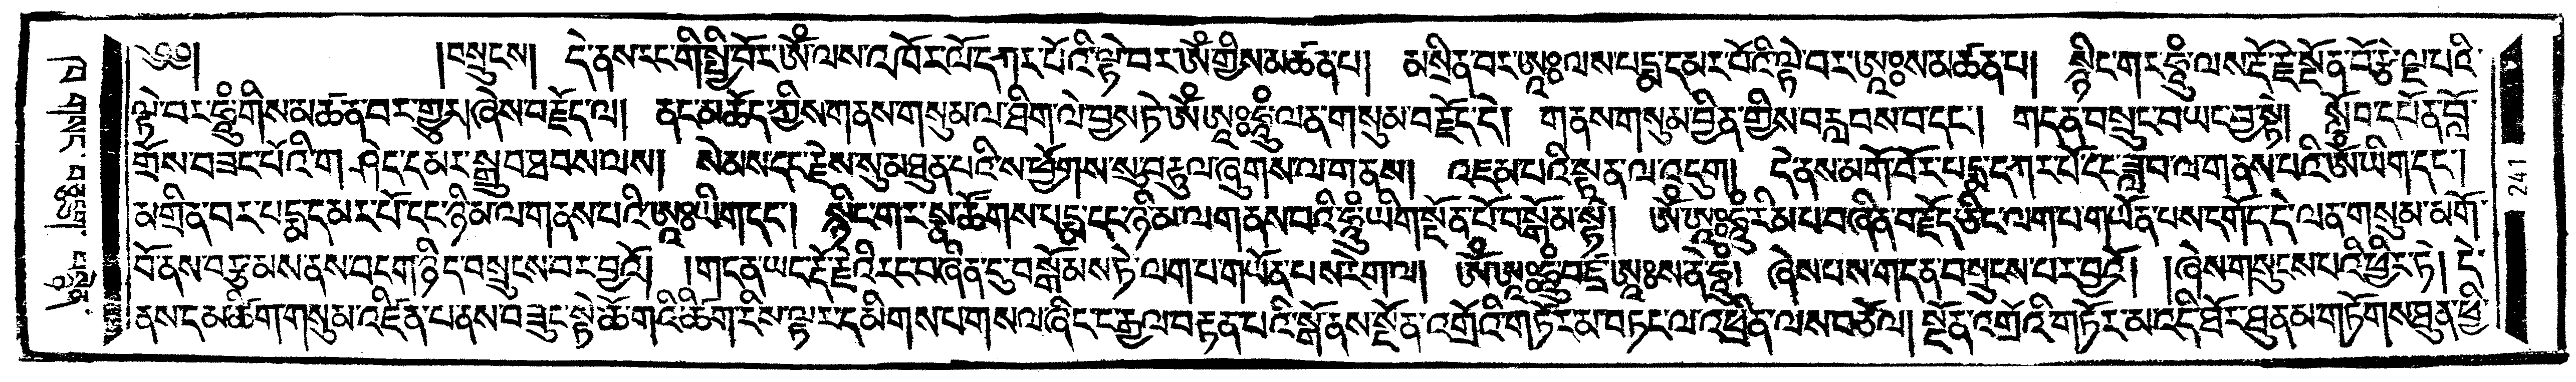༄༅། །བསྲུངས། དེ་ནས་རང་གི་སྤྱི་བོར་ཨོཾ་ལས་འཁོར་ལོ་དཀར་པོའི་ལྟེ་བར་ཨོཾ་གྱིས་མཚན་པ། མ་སྲིན་བར་ཨཱཿ ལས་པདམ་དམར་པོའི་ལྟེ་བར་ཨཱཿས་མཚན་པ། སྙིང་གར་ཧཱུཾ་ལས་རྡོ་རྗེ་སྔོན་པོ་རྩེ་ལྔ་པའི་
ལྟེ་བར་ཧཱུཾ་གིས་མཚན་པར་གྱུར། ཞེས་བརྗོད་ལ། ནང་མཆོད་ཀྱིས་གནས་གསུམ་ལ་ཐིག་ལེ་བྱས་ཏེ་ཨོཾ་ཨཱཿཧཱུཾ་ལན་གསུམ་བརྗོད་དེ། གནས་གསུམ་བྱིན་གྱིས་བརླབས་པ་དང་། གདན་བསྲུང་བ་ཡང་བྱ་སྟེ། སློབ་དཔོན་བློ་
གྲོས་བཟང་པོའི་གཤེད་དམར་སྒྲུབ་ཐབས་ལས། སེམས་དང་རྗེས་སུ་མཐུན་པའི་ས་ཕྱོགས་སུ་བརྟུལ་ཞུགས་ལ་གནས། འཇམ་པའི་སྟན་ལ་འདུག། དེ་ནས་མགོ་བོར་པདམ་དཀར་པོ་དང་ཟླ་བ་ལ་གནས་པའི་ཨོཾ་ཡིག་དང་།
མགྲིན་པར་པདམ་དམར་པོ་དང་ཉི་མ་ལ་གནས་པའི་ཨཱཿཡིག་དང་། སྙིང་གར་སྣ་ཚོགས་པདམ་དང་ཉི་མ་ལ་གནས་པའི་ཧཱུཾ་ཡིག་སྔོན་པོ་བསྒོམ་སྟེ། ཨོཾ་ཨཱཿཧཱུཾ་རིམ་པ་བཞིན་བརྗོད་ཅིང་ལག་པ་གཡོན་པས་དགོད་དེ་ལན་གསུམ་མགོ་
བོ་ནས་བརྩམས་ནས་བདག་ཉིད་བསྲུངས་བར་བྱའོ། །གདན་ཡང་རྡོ་རྗེའི་རང་བཞིན་དུ་བསྒོམས་ཏེ་ལག་པ་གཡོན་པས་རེག་ལ། ཨོཾ་ཨཱཿཧཱུཾ་བཛྲ་ཨཱཿས་ནེ་ཧཱུཾ། ཞེས་པས་གདན་བསྲུངས་པར་བྱའོ། །ཞེས་གསུངས་པའི་ཕྱིར་ཏེ། དེ་
ནས་དམ་ཚིག་གསུམ་འཛིན་པ་ནས་བཟུང་སྟེ་ཆོ་གའི་ཚིག་རིས་ལྟར་དམིགས་པ་གསལ་ཞིང་ང་རྒྱལ་བརྟན་པའི་སྒོ་ནས་སྔོན་འགྲོའི་གཏོར་མ་བཏང་ལ་འཕྲིན་ལས་བཅོལ། སྔོན་འགྲོའི་གཏོར་མ་འདི་ཐོར་ཐུན་མ་གཏོགས་ཐུན་ཕྱི་